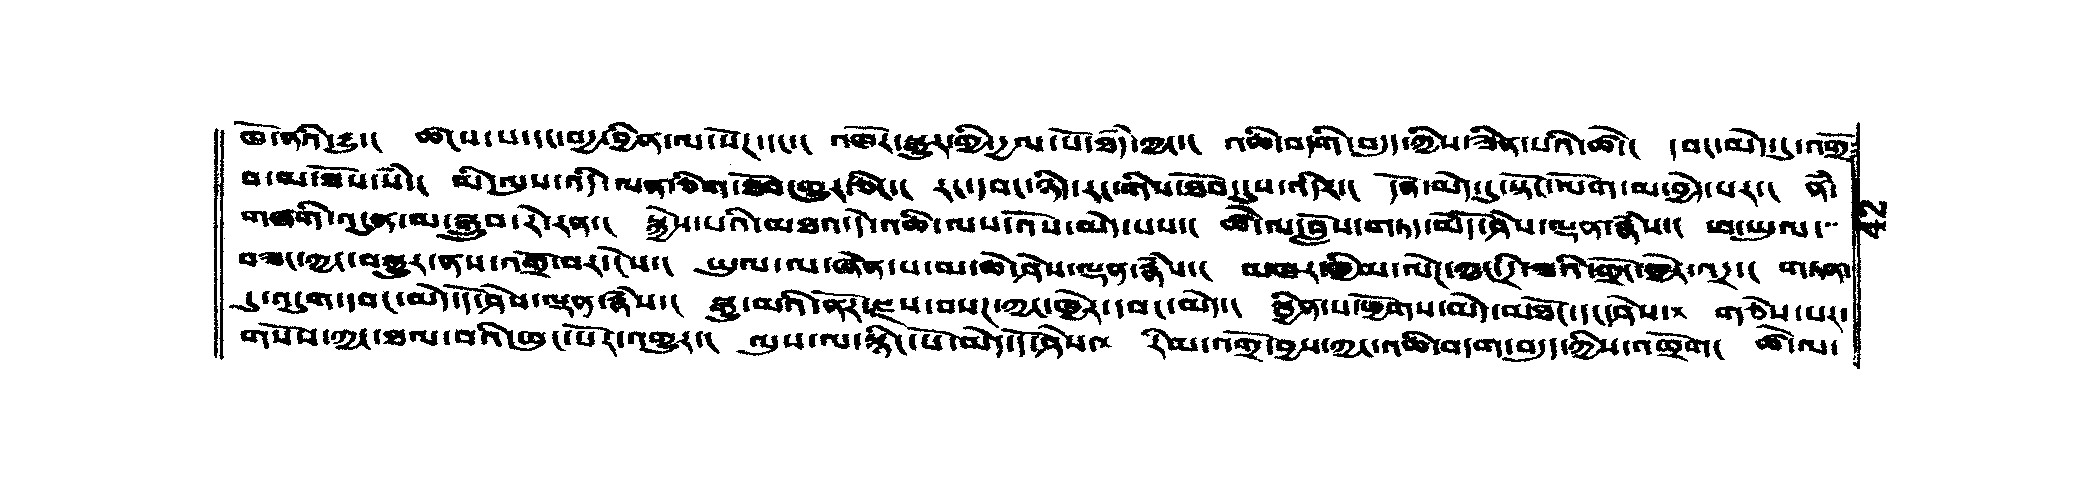ཁོ་ནའི་རྒྱུ། །ཚངས་པ་དང་བརྒྱ་བྱིན་ལ་སོགས་དང་། །འཁོར་སྒྱུར་གྱི་རྒྱལ་པོ་ཐམས་ཅད་ཀྱང་། །འཆི་བདག་གི་བདུད་ཀྱིས་ཟིན་པའི་ཚེ། །དབང་མེད་དུ་འགྲོ་
བ་མ་ཐོས་སམ། །མི་ལུས་འདི་ལན་གཅིག་ཐོབ་གྱུར་ཅིང་། །རང་དབང་ཉིད་རང་གིས་ཐོབ་དུས་འདིར། །དོན་མེད་དུ་སྟོང་ལོག་མ་བྱེད་པར། །ནམ་
ཞག་གི་འདུན་མ་སྒྲུབ་རེ་རན། །སྐྱེས་པའི་མཐའ་དེ་འཆི་ལས་འོས་མེད་པས། །ཚེ་ལ་བློ་གཏད་མེད་དོ་ཤེས་ལྡན་རྣམས། །ཕ་ཡུལ་
བཟང་ཡང་བསྐྱུར་ནས་འགྲོ་བར་ངེས། །ཡུལ་ལ་ཞེན་པ་མ་ཆེ་ཤེས་ལྡན་རྣམས། །མཁར་ཁྱིམ་ལེགས་ཀྱང་དྲི་ཟའི་གྲོང་ཁྱེར་འདྲ། །གཏན་
དུ་འདུག་དབང་མེད་དོ་ཤེས་ལྡན་རྣམས། །སྒྱུ་མའི་ནོར་རྫས་བསགས་ཀྱང་ཁྱེར་དབང་མེད། །སྦྱིན་པ་ཕྱོགས་མེད་ཐོངས་དང་ཤེས་ལྡན་རྣམས། །གཅེས་པར་
གསོས་ཀྱང་ཐལ་བའི་ཕུང་པོར་འགྱུར། །ལུས་ལ་སྙིང་པོ་མེད་དོ་ཤེས་ལྡན་རྣམས། །རིམ་གྲོ་བྱས་ཀྱང་འཆི་བདག་བདུད་ཀྱིས་འཕྲོག།ཚེ་ལ་